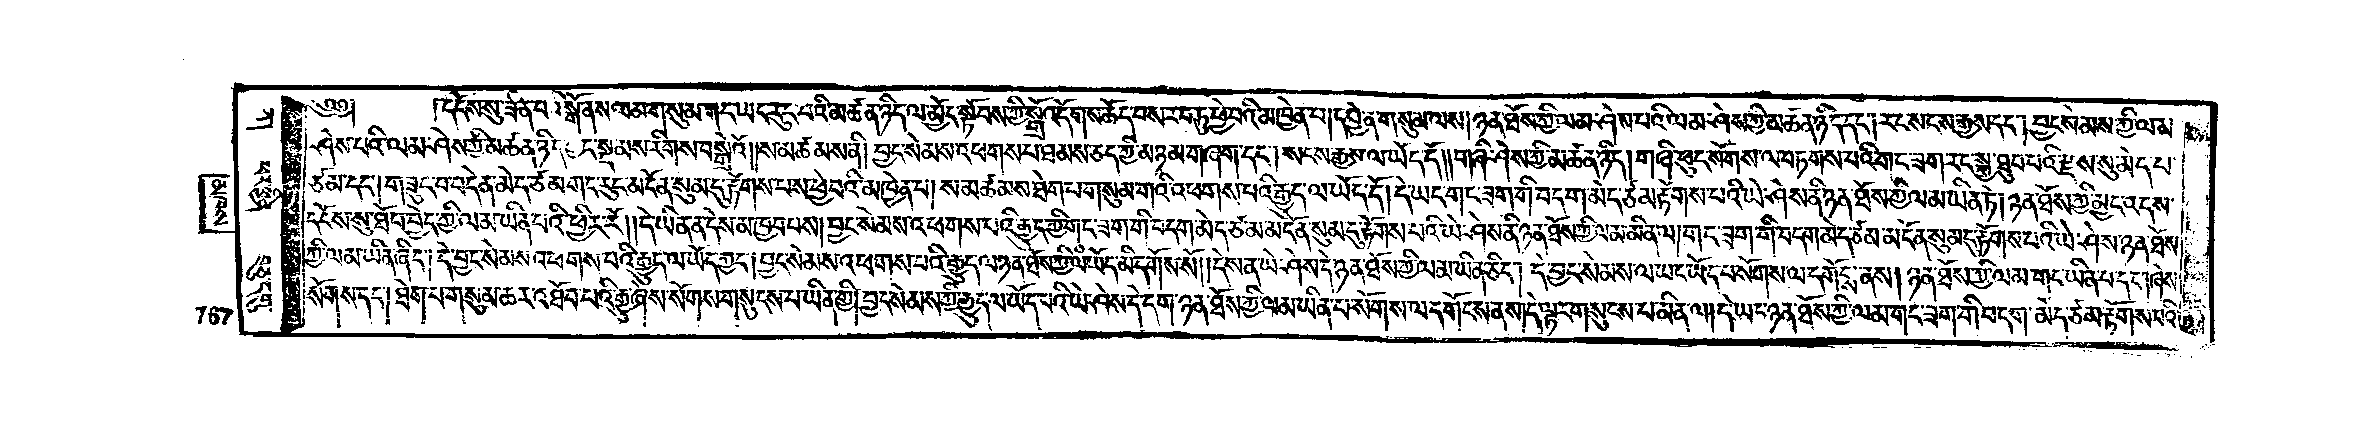༄༅། །དངོས་སུ་ཟིན་པའི་སྒོ་ནས་ལམ་གསུམ་གང་ཡང་རུང་བའི་མཚན་ཉིད་ལ་མྱོང་སྟོབས་ཀྱི་སྒྲོ་འདོགས་ཆོད་པས་རབ་ཏུ་ཕྱེ་བའི་མཁྱེན་པ། དབྱེ་ན་གསུམ་ལས། ཉན་ཐོས་ཀྱི་ལམ་ཤེས་པའི་ལམ་ཤེས་ཀྱི་མཚན་ཉིད་དང་། རང་སངས་རྒྱས་དང་། བྱང་སེམས་ཀྱི་ལམ་
ཤེས་པའི་ལམ་ཤེས་ཀྱི་མཚན་ཉིད་ཀྱང་སྔ་མས་རིགས་བསྒྲེའོ། །ས་མཚམས་ནི། བྱང་སེམས་འཕགས་པ་ཐམས་ཅད་ཀྱི་མཉམ་གཞག་དང་། སངས་རྒྱས་ལ་ཡོད་དོ། །གཞི་ཤེས་ཀྱི་མཚན་ཉིད། གཞི་ཕུང་སོགས་ལ་བཏགས་པའི་གང་ཟག་རང་སྐྱ་ཐུབ་པའི་རྫས་སུ་མེད་པ་
ཙམ་དང་། གཟུང་བ་བདེན་མེད་ཙམ་གང་རུང་མངོན་སུམ་དུ་རྟོགས་པས་ཕྱེ་བའི་མཁྱེན་པ། ས་མཚམས་ཐེག་པ་གསུམ་གའི་འཕགས་པའི་རྒྱུད་ལ་ཡོད་དོ། དེ་ཡང་གང་ཟག་གི་བདག་མེད་ཙམ་རྟོགས་པའི་ཡེ་ཤེས་ནི་ཉན་ཐོས་ཀྱི་ལམ་ཡིན་ཏེ། ཉན་ཐོས་ཀྱི་མྱང་འདས་
དངོས་སུ་ཐོབ་བྱེད་ཀྱི་ལམ་ཡིན་པའི་ཕྱིར་རོ། །དེ་ཡིན་ན་དེས་མ་ཁྱབ་པས། བྱང་སེམས་འཕགས་པའི་རྒྱུད་ཀྱི་གང་ཟག་གི་བདག་མེད་ཙམ་མངོན་སུམ་དུ་རྟོགས་པའི་ཡེ་ཤེས་ནི་ཉན་ཐོས་ཀྱི་ལམ་མིན་ལ། གང་ཟག་གི་བདག་མེད་ཙམ་མངོན་སུམ་དུ་རྟོགས་པའི་ཡེ་ཤེས་ཉན་ཐོས་
ཀྱི་ལམ་ཡིན་ཞིང་། དེ་བྱང་སེམས་འཕགས་པའི་རྒྱུད་ལ་ཡོད་ཀྱང་། བྱང་སེམས་འཕགས་པའི་རྒྱུད་ལ་ཉན་ཐོས་ཀྱི་ལམ་ཡོད་མི་དགོས་སོ། །དེས་ན་ཡེ་ཤེས་དེ་ཉན་ཐོས་ཀྱི་ལམ་ཡིན་ཅིང་། དེ་བྱང་སེམས་ལ་ཡང་ཡོད་པ་སོགས་ལ་དགོངས་ནས། ཉན་ཐོས་ཀྱི་ལམ་གང་ཡིན་པ་དང་། ཞེས་
སོགས་དང་། ཐེག་པ་གསུམ་ཆར་འཐོབ་པའི་རྒྱུ་ཞེས་སོགས་གསུངས་པ་ཡིན་གྱི། བྱང་སེམས་ཀྱི་རྒྱུད་ལ་ཡོད་པའི་ཡེ་ཤེས་དེ་དག་ཉན་ཐོས་ཀྱི་ལམ་ཡིན་པ་སོགས་ལ་དགོངས་ནས། དེ་ལྟར་གསུངས་པ་མིན་ལ། དེ་ཡང་ཉན་ཐོས་ཀྱི་ལམ་གང་ཟག་གི་བདག་མེད་ཙམ་རྟོགས་པའི་